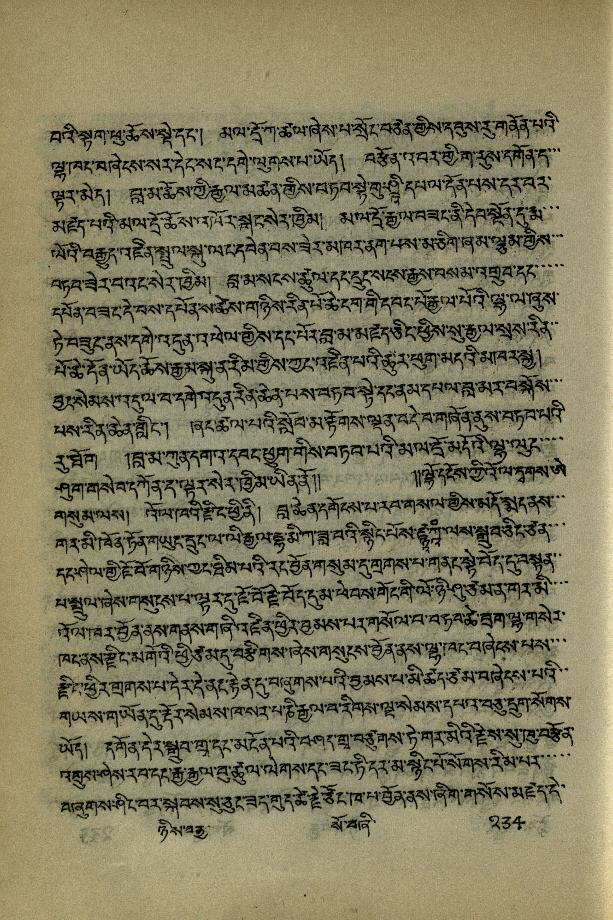བའི་སྟག་ཕུ་ཆོས་སྡེ་དང་། མལ་དྲོ་ཀ་ཚལ་ཞེས་པ་སྲོང་བཙན་གྱིས་དབུས་རུ་གནོན་པའི་
ལྷ་ཁང་བཞེངས་སར་དེང་སང་དགེ་ལུགས་པ་ཡོད། བརྩོན་འབར་གྱི་ག་རུས་དགོན་ད་
ལྟར་མེད། བླ་མ་ཆོས་ཀྱི་རྒྱལ་མཚན་གྱིས་བཏབ་སྟེ་གུ་ཤྲཱི་དཔལ་དོན་པས་དར་བར་
མཛད་པའི་མལ་དྲོ་ཆོས་འཁོར་སྒང་སེར་ཁྱིམ། མལ་དྲོ་རྒྱལ་བཟང་ནི་དེབ་སྔོན་དུ་རྨ་
ལོའི་བརྒྱུད་འཛིན་སྤྲུལ་སྐུ་ལང་དབེན་བས་ཟེར་མཁར་ནག་པས་མ་ཅིག་ཞམ་ལྕམ་གྱིས་
བཏབ་ཟེར་བའང་སེར་ཁྱིམ། བླ་མ་སངས་ཚུལ་དང་དྲུང་སངས་རྒྱས་བསམ་འགྲུབ་དང་
དཔོན་བཟང་དེ་བས་དཔོན་ས་ཚེས་གཉིས་རིན་པོ་ཆེ་ངག་གི་དབང་པོ་རྒྱལ་པོའི་ལྷ་ལ་ཞུས་
ཏེ་བཟུང་ནས་དགེ་འདུན་འཕེལ་གྱིས་དང་པོར་བླ་མ་མཛད་ཅིང་ཕྱིས་སུ་རྒྱལ་སྲས་རིན་
པོ་ཆེ་དོན་ཡོད་ཆོས་རྒྱམ་སྐུ་ན་རིམ་གྱིས་ཀྱང་འཛིན་པའི་ཆུ་ར་ཕུག་མདའི་མཁར་སྐྱ།
བྱང་སེམས་འདུལ་བ་དགེ་འདུན་རིན་ཆེན་པས་བཏབ་སྟེ་དང་ནམ་དཔལ་བླ་མར་བསྐོས་
པས་རིན་ཆེན་གླིང་། ཞང་ཚལ་པའི་སློབ་མ་རྟོགས་ལྡན་བདེ་བ་གཞོན་ནུས་བཏབ་པའི་
རུ་ཐོག །བླ་མ་ཀུན་དགའ་དབང་ཕྱུག་གིས་བཏབ་པའི་མལ་དྲོ་མདོའི་ལྷ་ལུང་
ཤུག་གསེབ་དཀོན་ད་ལྟར་སེ་ར་ཁྱིམ་ཡིན་ནོ།། །།ལྷོ་དངོས་ཀྱི་འོལ་དྭགས་ཨེ་
གསུམ་ལས། འོལ་ཁའི་རྫིང་ཕྱི་ནི། བླ་ཆེན་དགོངས་པ་རབ་གསལ་གྱིས་མདོ་སྨད་ནས་
གར་མི་ཁོན་ཏོན་གཡུང་དྲུང་ལ་ལི་རྒྱལ་དྷ་མི་ཀ་ཟླ་བའི་སྙིང་པོས་ཛྙཱ་ཀཱཾ་ལས་སྒྲུབ་ཅིང་ཙན་
དང་ཤེལ་གྱི་ཇོ་བོ་གཉིས་ཀྱང་ཐིམ་པའི་རང་བྱོན་གསུམ་དུ་གྲགས་པ་གནང་སྟེ་བོད་དུ་བསྟན་
པ་སྤྲུལ་ཞེས་གསུངས་པ་ལྟར་དུ་ཇོ་བོ་རྗེ་བོད་དུ་མ་ཕེབས་གོང་གི་ལོ་ཉི་ཤུ་ཙམ་ན་གར་མི་
འོལ་ཁར་བྱོན་ནས་གནས་གཞི་འཛིན་ཕྱིར་བྱམས་པར་གསོལ་བ་བཏབ་ཚེ་བྲག་ལྷ་གསེར་
ཁང་ནས་རྫིང་མགོའི་ཕྱི་ཙམ་དུ་བརྩིགས་ཞེས་གསུངས་བྱོན་ནས་ལྷ་ཁང་བཞེངས་པས་
རྫིང་ཕྱིར་གྲགས་པ་དེར་དེ་ནང་རྟེན་དུ་བཞུགས་པའི་བྱམས་པ་མི་ཚད་ཙམ་བཞེངས་པས་
གཡས་གཡོན་དུ་རྡོར་སེམས་ཁ་སར་པ་ཎི་རྒྱལ་བ་རིགས་ལྔ་སེམས་དཔའ་བཅུ་དྲུག་སོགས་
ཡོད། དགོན་དེར་སྒྲུབ་གྲྭ་དང་མངོན་པའི་བཤད་གྲྭ་བཙུགས་ཏེ་གར་མིའི་རྗེས་སུ་ཁུ་བརྩོན་
འགྲུས་ཤེས་རབ་དང་རྒྱ་རྒྱལ་བུ་ཚུལ་ལེགས་དང་ཟང་ཏི་དར་མ་སྙིང་པོ་སོགས་རིམ་པར་
བཞུགས་ཤིང་བར་སྐབས་སུ་ཅུང་ཟད་གུད་ཚེ་རྗེ་ཙོང་ཁ་པ་བྱོན་ནས་ཞིག་གསོས་མཛད་དེ་